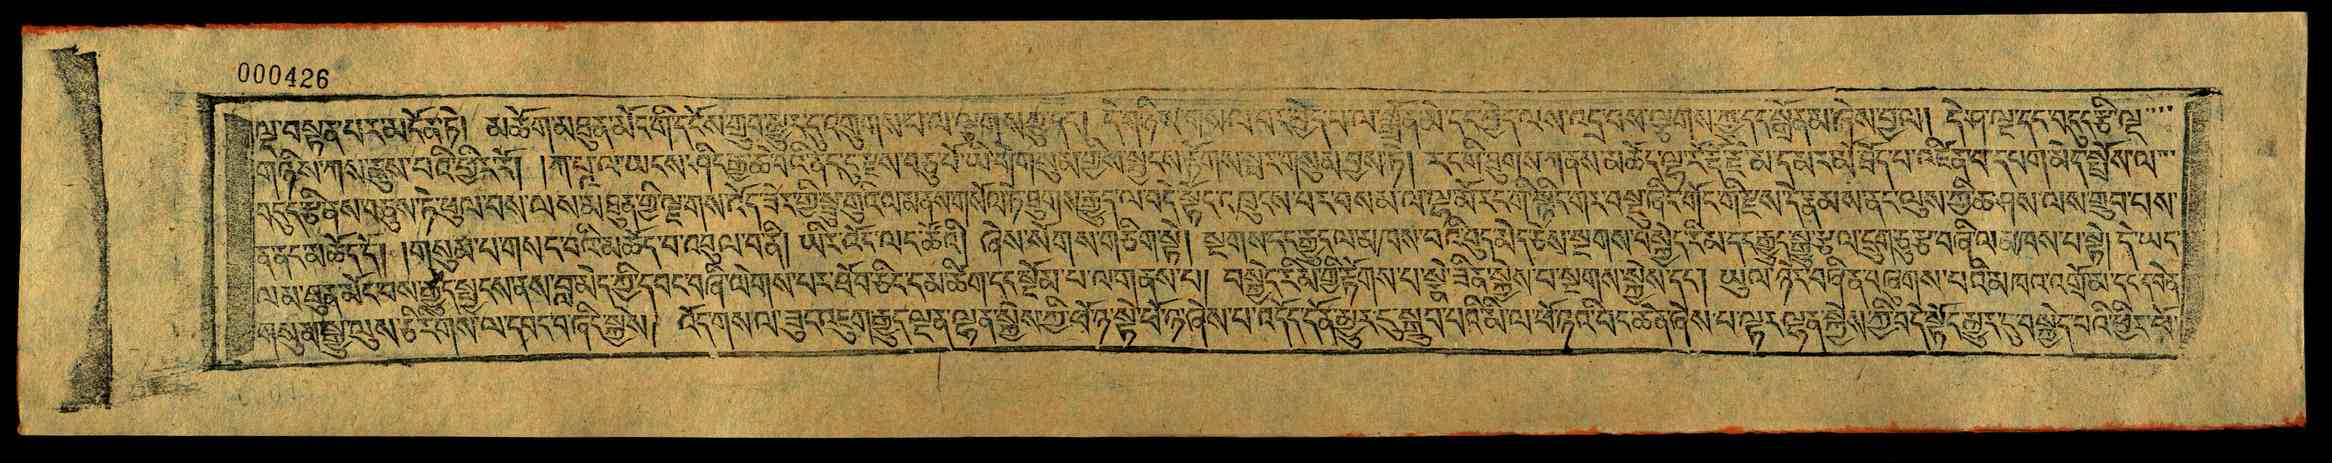ལྔ་བསྟན་པར་མངོན་ཏེ། མཆོག་མཐུན་མོང་གི་དངོས་གྲུབ་མྱུར་དུ་འགུགས་པ་ལ་ལྕགས་ཀྱུ་དང་། དེ་གཉིས་གསལ་བར་བྱེད་པ་ལ་སྒྲོན་མེ་དང་བྱེད་ལས་འདྲ་བས་ལྕགས་ཀྱུ་དང་སྒྲོན་མ་ཞེས་བྱ་ལ། དེ་ཤ་ལྔ་དང་བདུད་རྩི་ལྔ་
གཉིས་ཀས་ནུས་པའི་ཕྱིར་རོ། །ཀ་པཱ་ལ་ཡངས་ཤིང་རྒྱ་ཆེ་བའི་ནང་དུ་རྫས་བཅུ་པོ་ཡི་གེ་གསུམ་གྱིས་སྦྱངས་རྟོགས་སྦར་གསུམ་བྱས་ཏེ། རང་གི་ཐུགས་ཀ་ནས་མཆོད་ལྷ་རོ་རྡོ་རྗེ་མ་དམར་མོ་ཐོད་པ་འཛིན་པ་དཔག་མེད་སྤྲོས་ལ་
བདུད་རྩི་ནས་བཅུས་ཏེ་ཕུལ་བས་ལས་མཐུན་གྱི་ལྗགས་འོད་ཟེར་གྱི་སྦུ་གུའི་ལམ་ནས་གསོལ་ཏེ་ཐུགས་རྒྱུད་ལ་བདེ་སྟོང་འཁྲུངས་པར་བསམ་ལ་ལྷ་མོ་རང་གི་སྙིང་གར་བསྡུ་ཞིང་གོང་གི་རྫས་དེ་རྣམས་ནང་ལུས་ཀྱི་ཆ་ཤས་ལས་གྲུབ་པས་
ན་ནང་མཆོད་དོ། །གསུམ་པ་གསང་བའི་མཆོད་པ་འབུལ་བ་ནི། ཡིད་འོང་ལང་ཚོའི། ཞེས་སོགས་གཅིག་སྟེ། སྔགས་དང་རྒྱུད་ལ་མཁས་པའི་བུད་མེད་ཅེས་སྔགས་བསྐྱེད་རིམ་དང་རྒྱུད་སྒྱུ་རྩལ་དྲུག་ཅུ་རྩ་བཞི་ལ་མཁས་པ་སྟེ། དེ་ཡང་
ལ་མཐུན་མོང་བས་རྒྱུད་སྦྱངས་ནས་བླ་མེད་ཀྱི་དབང་བཞི་ལེགས་པར་ཐོབ་ཅིང་དམ་ཚིག་དང་སྡོམ་པ་ལ་གནས་པ། བསྐྱེད་རིམ་གྱི་རྟོགས་པ་སྣེ་ཟིན་སྐྱེས་པ་སྔགས་སྐྱེས་དང་། ཡུལ་ཉེར་བཞིན་བཞུགས་པའི་མཁའ་འགྲོ་མ་དང་དབེན་
གསུམ་སྒྱུ་ལུས་ཅི་རིགས་ལ་དབང་བ་ཞིང་སྐྱེས། འོད་གསལ་ཟུང་འཇུག་རྒྱུད་ལྡན་ལྷན་སྐྱེས་ཀྱི་ཕོ་ཉ་སྟེ་ཕོ་ཉ་ཞེས་པ་འདོད་དོན་མྱུར་དུ་སྒྲུབ་པའི་མི་ལ་ཕོ་ཉའི་བང་ཆེན་ཞེས་པ་ལྟར་ལྷན་སྐྱེས་ཀྱི་བདེ་སྟོང་མྱུར་དུ་བསྐྱེད་པའི་ཕྱིར་ཕོ་